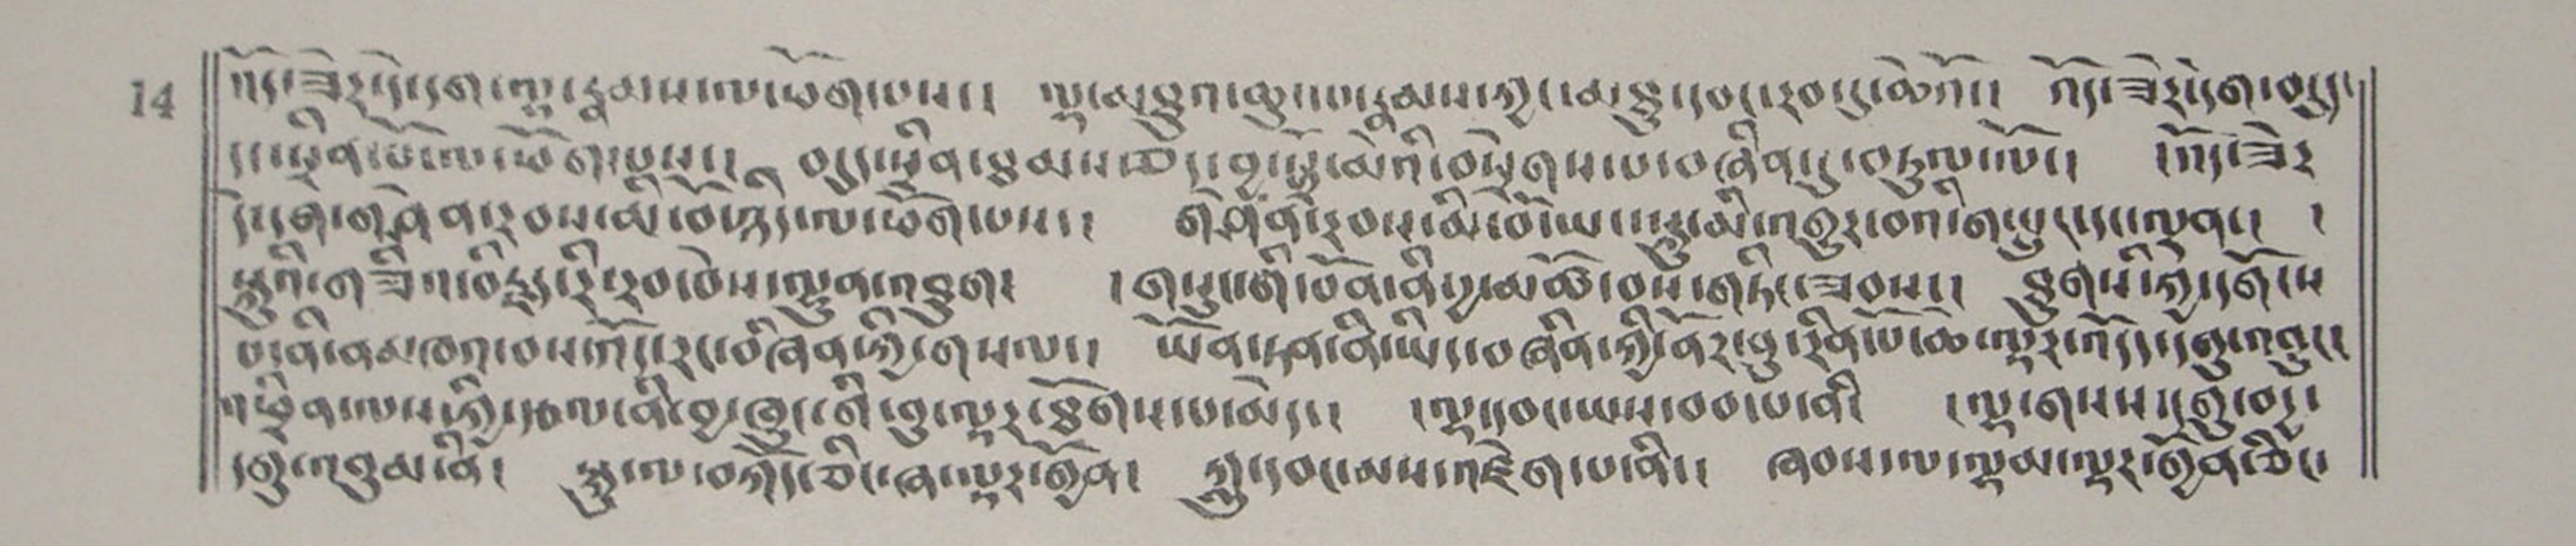འོད་ཟེར་དེ་དག་ལྷ་རྣམས་ལ་ཕོག་པས། ལྷ་མཐུའ་ཆུང་བ་རྣམས་ཀྱང་མཐུ་དབང་རབ་ཏུ་ཆེའོ། །འོད་ཟེར་དེ་དག་བདུད་
དང་སྲིན་པོ་ལ་ཕོག་པས། བདུད་སྲིན་ཐམས་ཅད་བྱ་སྒྲོ་མེས་བསྲེགས་པ་བཞིན་དུ་བཏུལ་ལོ། །འོད་ཟེར་
དེ་དག་གཤེན་རབ་མི་བོ་ཉིད་ལ་ཕོག་པས། གཤེན་རབ་མི་བོ་ཡང་སྐུ་མི་འགྱུར་བའི་གཡུང་དྲུང་དང་ལྡན། 
སྐུ་གཟི་བརྗིད་རི་རབ་བས་ལྷུན་འཐུག གསུང་གི་བོན་ནི་རྒྱ་མཚོ་བས་གཏིང་ཟབས། ཐུགས་ཀྱི་དགོངས་
པ་ནི་ནམ་མཁའ་བས་འོད་རང་བཞིན་དུ་གསལ། ཡོན་ཏན་ནི་ཡིད་བཞིན་གྱི་ནོར་བུ་རིན་པོ་ཆེ་ལྟར་འདོད་དགུ་འབྱུང་། 
འཕྲིན་ལས་ཀྱི་རྩལ་ནི་བྱ་ཁྱུང་གི་བུ་ལྟར་ཐོགས་པ་མེད། ལྷ་དབང་ཡས་བབ་པ་ནི། ལྷ་གསས་དགུ་བརྒྱ་
དགུ་འབུམ་ནི། སྐུ་ལ་བཀོད་ཅིང་ཞྭ་ལྟར་གྱོན། ཀླུ་དབང་མས་འཛེག་པ་ནི། ཞབས་ལ་ལྷམ་ལྟར་གྱོན་ཅིང་